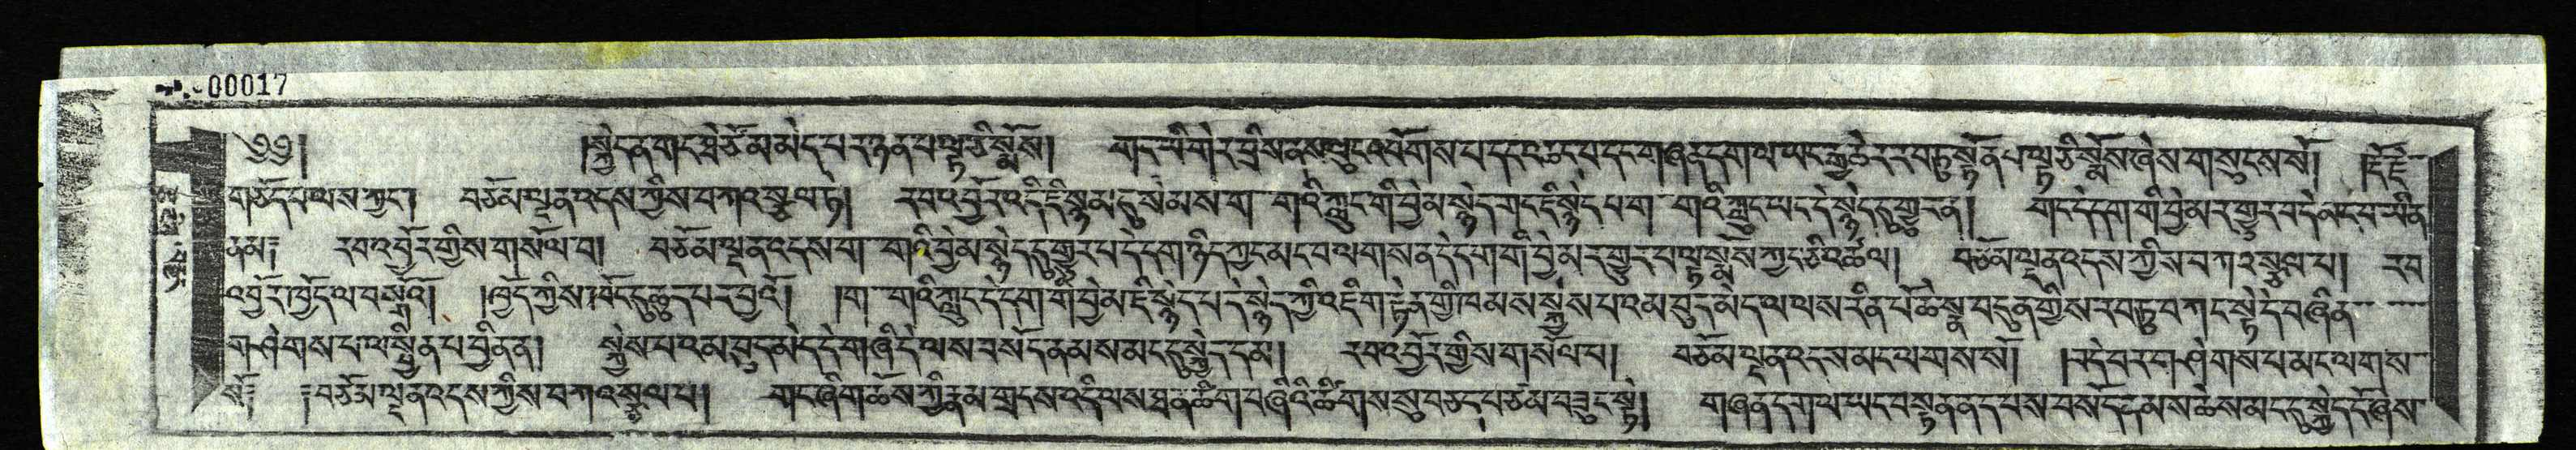༄༅། །སྐྱེད་ན་གང་ཐེ་ཙོམ་མེད་པར་ཉན་པ་ལྟ་ཅི་སྨོས། གང་ཡི་གེར་བྲིས་ནས་ལུང་འབོགས་པ་དང་འཆད་པ་དང་གཞན་དག་ལ་ཡང་རྒྱ་ཆེར་རབ་ཏུ་སྟོན་པ་ལྟ་ཅི་སྨོས་ཞེས་གསུངས་སོ། །རྡོ་རྗེ་
གཅོད་པ་ལས་ཀྱང་། བཅོམ་ལྡན་འདས་ཀྱིས་བཀའ་སྩལ་ཏེ། རབ་འབྱོར་འདི་ཇི་སྙམ་དུ་སེམས་ག་གའི་ཀླུང་གི་བྱེ་མ་སྙེད་གང་ཇི་སྙེད་པ་ག་གའི་ཀླུང་ཡང་དེ་སྙེད་དུ་གྱུར་ན། གང་དེ་དག་གི་བྱེ་མར་གྱུར་བ་དེ་མང་བ་ཡིན་
ནམ༑ རབ་འབྱོར་གྱིས་གསོལ་བ། བཅོམ་ལྡན་འདས་ག་གའི་བྱེ་མ་སྙེད་དུ་གྱུར་པ་དེ་དག་ཉིད་ཀྱང་མང་བ་ལགས་ན་དེ་དག་གི་བྱེ་མར་གྱུར་པ་ལྟ་སྨོས་ཀྱང་ཅི་འཚལ། བཅོམ་ལྡན་འདས་ཀྱིས་བཀའ་སྩལ་པ། རབ་
འབྱོར་ཁྱོད་ལ་བསྒོའོ། །ཁྱོད་ཀྱིས་ཁོང་དུ་ཆུད་པར་བྱའོ། །ག་གའི་ཀླུང་དེ་དག་གི་བྱེ་མ་ཇི་སྙེད་པ་དེ་སྙེད་ཀྱི་འཇིག་རྟེན་གྱི་ཁམས་སྐྱེས་པ་འམ་བུད་མེད་ལ་ལས་རིན་པོ་ཆེ་སྣ་བདུན་གྱིས་རབ་ཏུ་བཀང་སྟེ་དེ་བཞིན་
གཤེགས་པ་ལ་སྦྱིན་པ་བྱིན་ན། སྐྱེས་པ་འམ་བུད་མེད་དེ་གཞི་དེ་ལས་བསོད་ནམས་མང་དུ་སྐྱེད་དམ། རབ་འབྱོར་གྱིས་གསོལ་བ། བཅོམ་ལྡན་འདས་མང་ལགས་སོ། །བདེ་བར་གཤེགས་པ་མང་ལགས་
སོ༑ ༑བཅོམ་ལྡན་འདས་ཀྱིས་བཀའ་སྩལ་པ། གང་ཞིག་ཆོས་ཀྱི་རྣམ་གྲངས་འདི་ལས་ཐ་ན་ཚིག་བཞིའི་ཚིགས་སུ་བཅད་པ་ཙམ་བཟུང་སྟེ། གཞན་དག་ལ་ཡང་བསྟན་ནད་པས་བསོད་ནམས་ཆེས་མང་དུ་སྐྱེད་དོ་ཞེས་